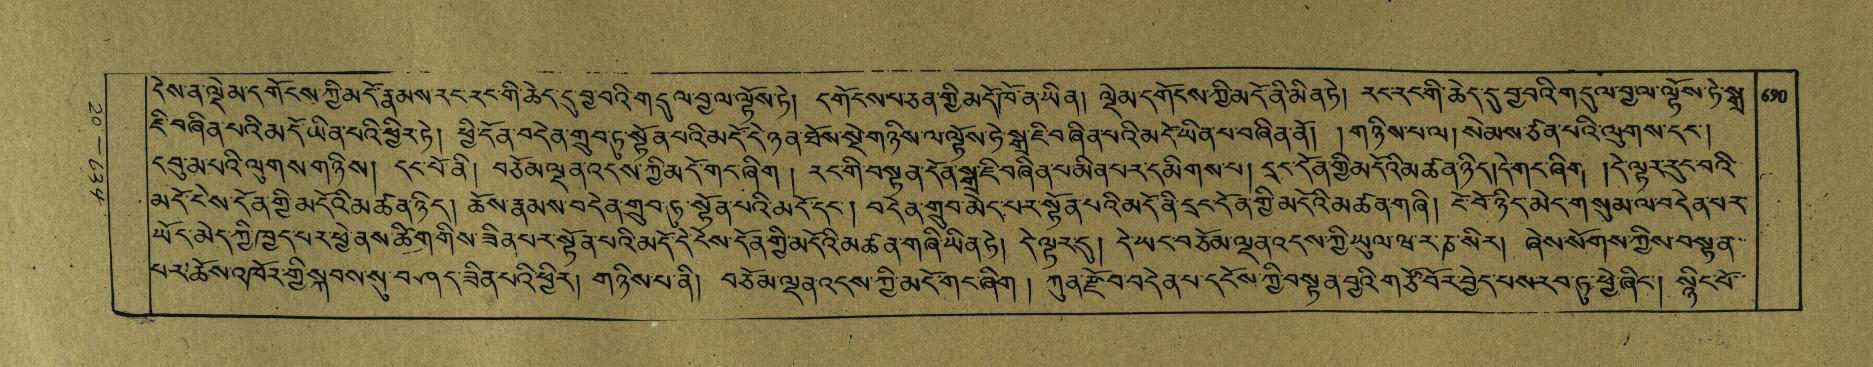དེས་ན་ལྡེམ་དགོངས་ཀྱི་མདོ་རྣམས་རང་རང་གི་ཆེད་དུ་བྱ་བའི་གདུལ་བྱ་ལ་ལྟོས་ཏེ། དགོངས་པ་ཅན་གྱི་མདོ་ཁོ་ན་ཡིན། ལྡེམ་དགོངས་ཀྱི་མདོ་ནི་མིན་ཏེ། རང་རང་གི་ཆེད་དུ་བྱ་བའི་གདུལ་བྱ་ལ་ལྟོས་ཏེ་སྒྲ་
ཇི་བཞིན་པའི་མདོ་ཡིན་པའི་ཕྱིར་ཏེ། ཕྱི་དོན་བདེན་གྲུབ་ཏུ་སྟོན་པའི་མདོ་དེ་ཉན་ཐོས་སྡེ་གཉིས་ལ་ལྟོས་ཏེ་སྒྲ་ཇི་བཞིན་པའི་མདོ་ཡིན་པ་བཞིན་ནོ། །གཉིས་པ་ལ། སེམས་ཙན་པའི་ལུགས་དང་།
དབུ་མ་པའི་ལུགས་གཉིས། དང་པོ་ནི། བཅོམ་ལྡན་འདས་ཀྱི་མདོ་གང་ཞིག། རང་གི་བསྟན་དོན་སྒྲ་ཇི་བཞིན་པ་མིན་པར་དམིགས་པ། དྲང་དོན་གྱི་མདོའི་མཚན་ཉིད། དེ་གང་ཞིག །དེ་ལྟར་རུང་བའི་
མདོ་ངེས་དོན་གྱི་མདོའི་མཚན་ཉིད། ཆོས་རྣམས་བདེན་གྲུབ་ཏུ་སྟོན་པའི་མདོ་དང་། བདེན་གྲུབ་མེད་པར་སྟོན་པའི་མདོ་ནི་དྲང་དོན་གྱི་མདོའི་མཚན་གཞི། ངོ་བོ་ཉིད་མེད་གསུམ་ལ་བདེན་པར་
ཡོད་མེད་ཀྱི་ཁྱད་པར་ཕྱེ་ནས་ཚིག་གིས་ཟིན་པར་སྟོན་པའི་མདོ་དེ་ངེས་དོན་གྱི་མདོའི་མཚན་གཞི་ཡིན་ཏེ། དེ་ལྟར་དུ། དེ་ཡང་བཅོམ་ལྡན་འདས་ཀྱི་ཡུལ་ཝ་ར་ཎ་སིར། ཞེས་སོགས་ཀྱིས་བསྟན་
པར་ཆོས་འཁོར་གྱི་སྐབས་སུ་བཤད་ཟིན་པའི་ཕྱིར། གཉིས་པ་ནི། བཅོམ་ལྡན་འདས་ཀྱི་མདོ་གང་ཞིག། ཀུན་རྫོབ་བདེན་པ་དངོས་ཀྱི་བསྟན་བྱའི་གཙོ་བོར་བྱེད་པས་རབ་ཏུ་ཕྱེ་ཞིང་། སྙིང་པོ་